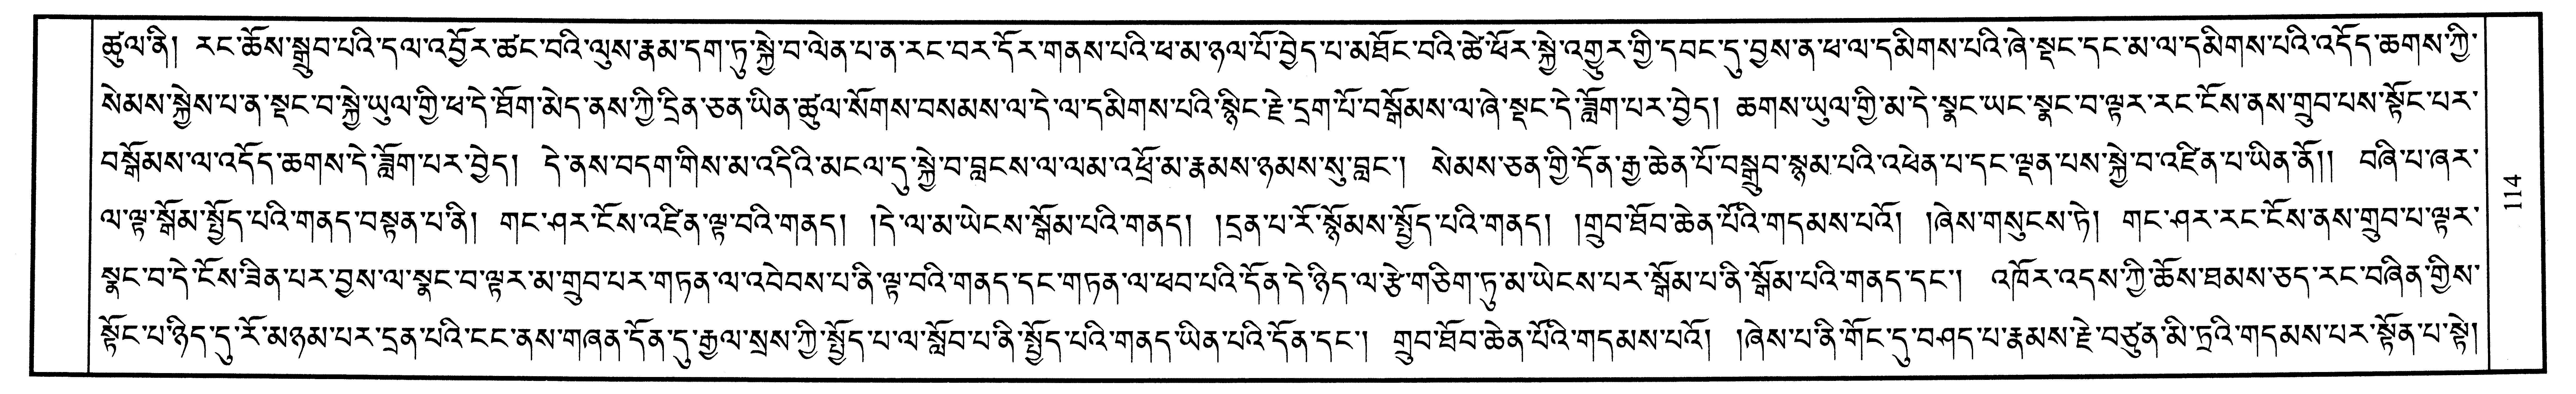ཚུལ་ནི། རང་ཆོས་སྒྲུབ་པའི་དལ་འབྱོར་ཚང་བའི་ལུས་རྣམ་དག་ཏུ་སྐྱེ་བ་ལེན་པ་ན་རང་བར་དོར་གནས་པའི་ཕ་མ་ཉལ་པོ་བྱེད་པ་མཐོང་བའི་ཚེ་ཕོར་སྐྱེ་འགྱུར་གྱི་དབང་དུ་བྱས་ན་ཕ་ལ་དམིགས་པའི་ཞེ་སྡང་དང་མ་ལ་དམིགས་པའི་འདོད་ཆགས་ཀྱི་
སེམས་སྐྱེས་པ་ན་སྡང་བ་སྐྱེ་ཡུལ་གྱི་ཕ་དེ་ཐོག་མེད་ནས་ཀྱི་དྲིན་ཅན་ཡིན་ཚུལ་སོགས་བསམས་ལ་དེ་ལ་དམིགས་པའི་སྙིང་རྗེ་དྲག་པོ་བསྒོམས་ལ་ཞེ་སྡང་དེ་ཟློག་པར་བྱེད། ཆགས་ཡུལ་གྱི་མ་དེ་སྣང་ཡང་སྣང་བ་ལྟར་རང་ངོས་ནས་གྲུབ་པས་སྟོང་པར་
བསྒོམས་ལ་འདོད་ཆགས་དེ་ཟློག་པར་བྱེད། དེ་ནས་བདག་གིས་མ་འདིའི་མངལ་དུ་སྐྱེ་བ་བླངས་ལ་ལམ་འཕྲོ་མ་རྣམས་ཉམས་སུ་བླང་། སེམས་ཅན་གྱི་དོན་རྒྱ་ཆེན་པོ་བསྒྲུབ་སྙམ་པའི་འཕེན་པ་དང་ལྡན་པས་སྐྱེ་བ་འཛིན་པ་ཡིན་ནོ། །བཞི་པ་ཞར་
ལ་ལྟ་སྒོམ་སྤྱོད་པའི་གནད་བསྟན་པ་ནི། གང་ཤར་ངོས་འཛིན་ལྟ་བའི་གནད། །དེ་ལ་མ་ཡེངས་སྒོམ་པའི་གནད། །དྲན་པ་རོ་སྙོམས་སྤྱོད་པའི་གནད། །གྲུབ་ཐོབ་ཆེན་པོའི་གདམས་པའོ། །ཞེས་གསུངས་ཏེ། །གང་ཤར་རང་ངོས་ནས་གྲུབ་པ་ལྟར་
སྣང་བ་དེ་ངོས་ཟིན་པར་བྱས་ལ་སྣང་བ་ལྟར་མ་གྲུབ་པར་གཏན་ལ་འབེབས་པ་ནི་ལྟ་བའི་གནད་དང་གཏན་ལ་ཕབ་པའི་དོན་དེ་ཉིད་ལ་རྩེ་གཅིག་ཏུ་མ་ཡེངས་པར་སྒོམ་པ་ནི་སྒོམ་པའི་གནད་དང་། འཁོར་འདས་ཀྱི་ཆོས་ཐམས་ཅད་རང་བཞིན་གྱིས་
སྟོང་པ་ཉིད་དུ་རོ་མཉམ་པར་དྲན་པའི་ངང་ནས་གཞན་དོན་དུ་རྒྱལ་སྲས་ཀྱི་སྤྱོད་པ་ལ་སློབ་པ་ནི་སྤྱོད་པའི་གནད་ཡིན་པའི་དོན་དང་། གྲུབ་ཐོབ་ཆེན་པོའི་གདམས་པའོ། །ཞེས་པ་ནི་གོང་དུ་བཤད་པ་རྣམས་རྗེ་བཙུན་མི་ཏྲའི་གདམས་པར་སྟོན་པ་སྟེ།